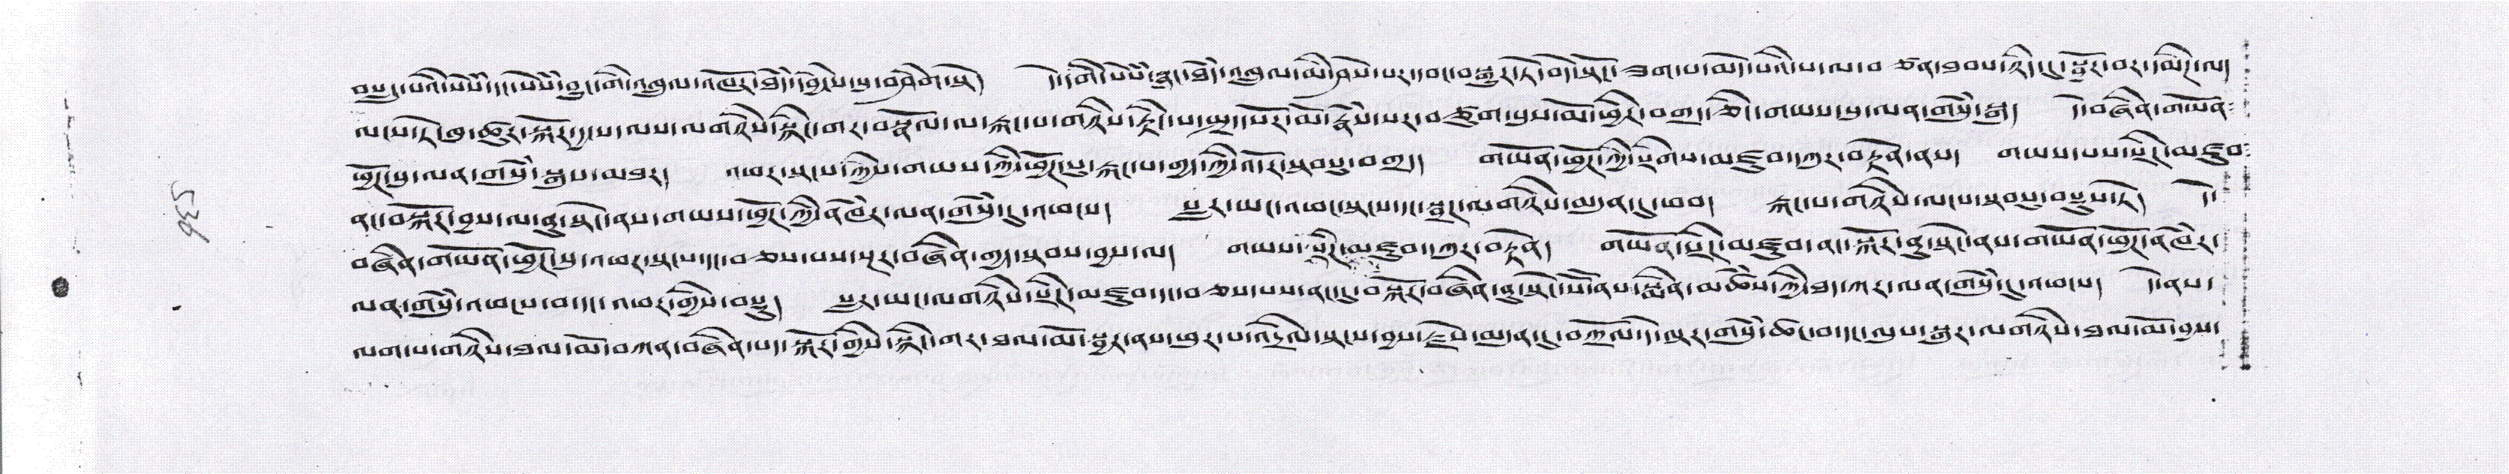བསླངས་པའི་སེམས་དང་སེམས་འབྱུང་གི་འཁྲུལ་འཁོར་ཐམས་ཅད་དབྱིངས་སུ་བཤིག་སྟེ་དེ་དག་གི་སེམས་སྣང་ཐམས་ཅད་འཁྲུལ་མི་ཤེས་པར་དབང་བསྒྱུར་ཏེ་བདེ་སྟོང་ཟག་པ་མེད་པའི་ས་ལ་བཙན་ཐབས་ཉིད་དུ་སྦྱོར་བར་དམིགས་ལ། 
ལངས་ཏེ་ཁུ་ཚུར་སྐོར་སྦྱངས་ལས་ལག་གཉིས་སྙིང་གར་བསྣོལ་ལ་རྐང་པ་གཉིས་རྟིང་པ་སྤྲད་སོར་མོ་རྣམས་སར་བཙུགས་པུས་མོ་ཕྱིར་བསྒྲད་ཅིང་གཡས་སུ་ལན་གསུམ་སྒུ། དེ་བཞིན་གཡོན་
ཕྱོགས་སུ་ལན་གསུམ་སྒུས་མཐར། འཕར་སྟངས་ཀྱིས་གཡས་ཀྱི་ཕྱོགས་སུ་རྐང་པ་གྱད་ཀྱི་འདོར་སྟབས་སུ་བགྲད། གཡོན་ཕྱོགས་ཀྱི་སྡིགས་མཛུབ་དཀུར་བརྟེན་ནས། གཡས་པས་སྡིགས་མཛུབ་
ནང་བསྐོར་བྱས་ལ་ནུ་སྟེང་ནས་གཡས་ཕྱོགས་ཀྱི་ནམ་མཁར་ལན་གསུམ་འཕངས། སླར་ཡང་འཕངས་སྟངས་དང་སྦྲགས་ལག་གཉིས་མདུན་དུ་ཕབ། རྐང་པ་གཉིས་ལངས་སྟབས་སུ་བསྡུས་ཏེ། དེ་
བཞིན་གཡོན་ཕྱོགས་སུ་འཕར་སྟངས་དང་བཅས་པས་སྔར་བཞིན་གྱད་སྟབས་བྱས་ལ། གཡས་སྡིགས་མཛུབ་དཀུར་བརྟེན། གཡོན་སྡིགས་མཛུབ་ནང་སྐོར་ནུ་སྟེང་ནས་གཡོན་ཕྱོགས་ནམ་མཁར་
ལན་གསུམ་འཕངས་པ་དང་འཕར་གྱིས་བསྡུ། སླར་ཡང་ལག་གཉིས་སྡིགས་མཛུབ་དང་བཅས་པས་ནང་དུ་བསྐོར་བཞིན་ནུ་སྟེང་སོ་སོ་ནས་སྨིན་མཚམས་ཀྱི་ཐད་ཀར་ལན་གསུམ་འཕངས། དེ་ནས་
ལག་པ་གཉིས་ཐལ་མོ་བཀན་བཞིན་པད་སྐོར་གྱིས་སྙིང་གར་ཐལ་མོ་སྦྱར་ནས་ཕུར་པ་འདྲིལ་སྟངས་བྱས་རྗེས་མདུན་དུ་བཀྲོལ། དེ་ལྟར་གསུམ་ཚང་བ་དང་ལུས་སྐུར་ལག་གཉིས་ཐལ་མོ་བྱས།